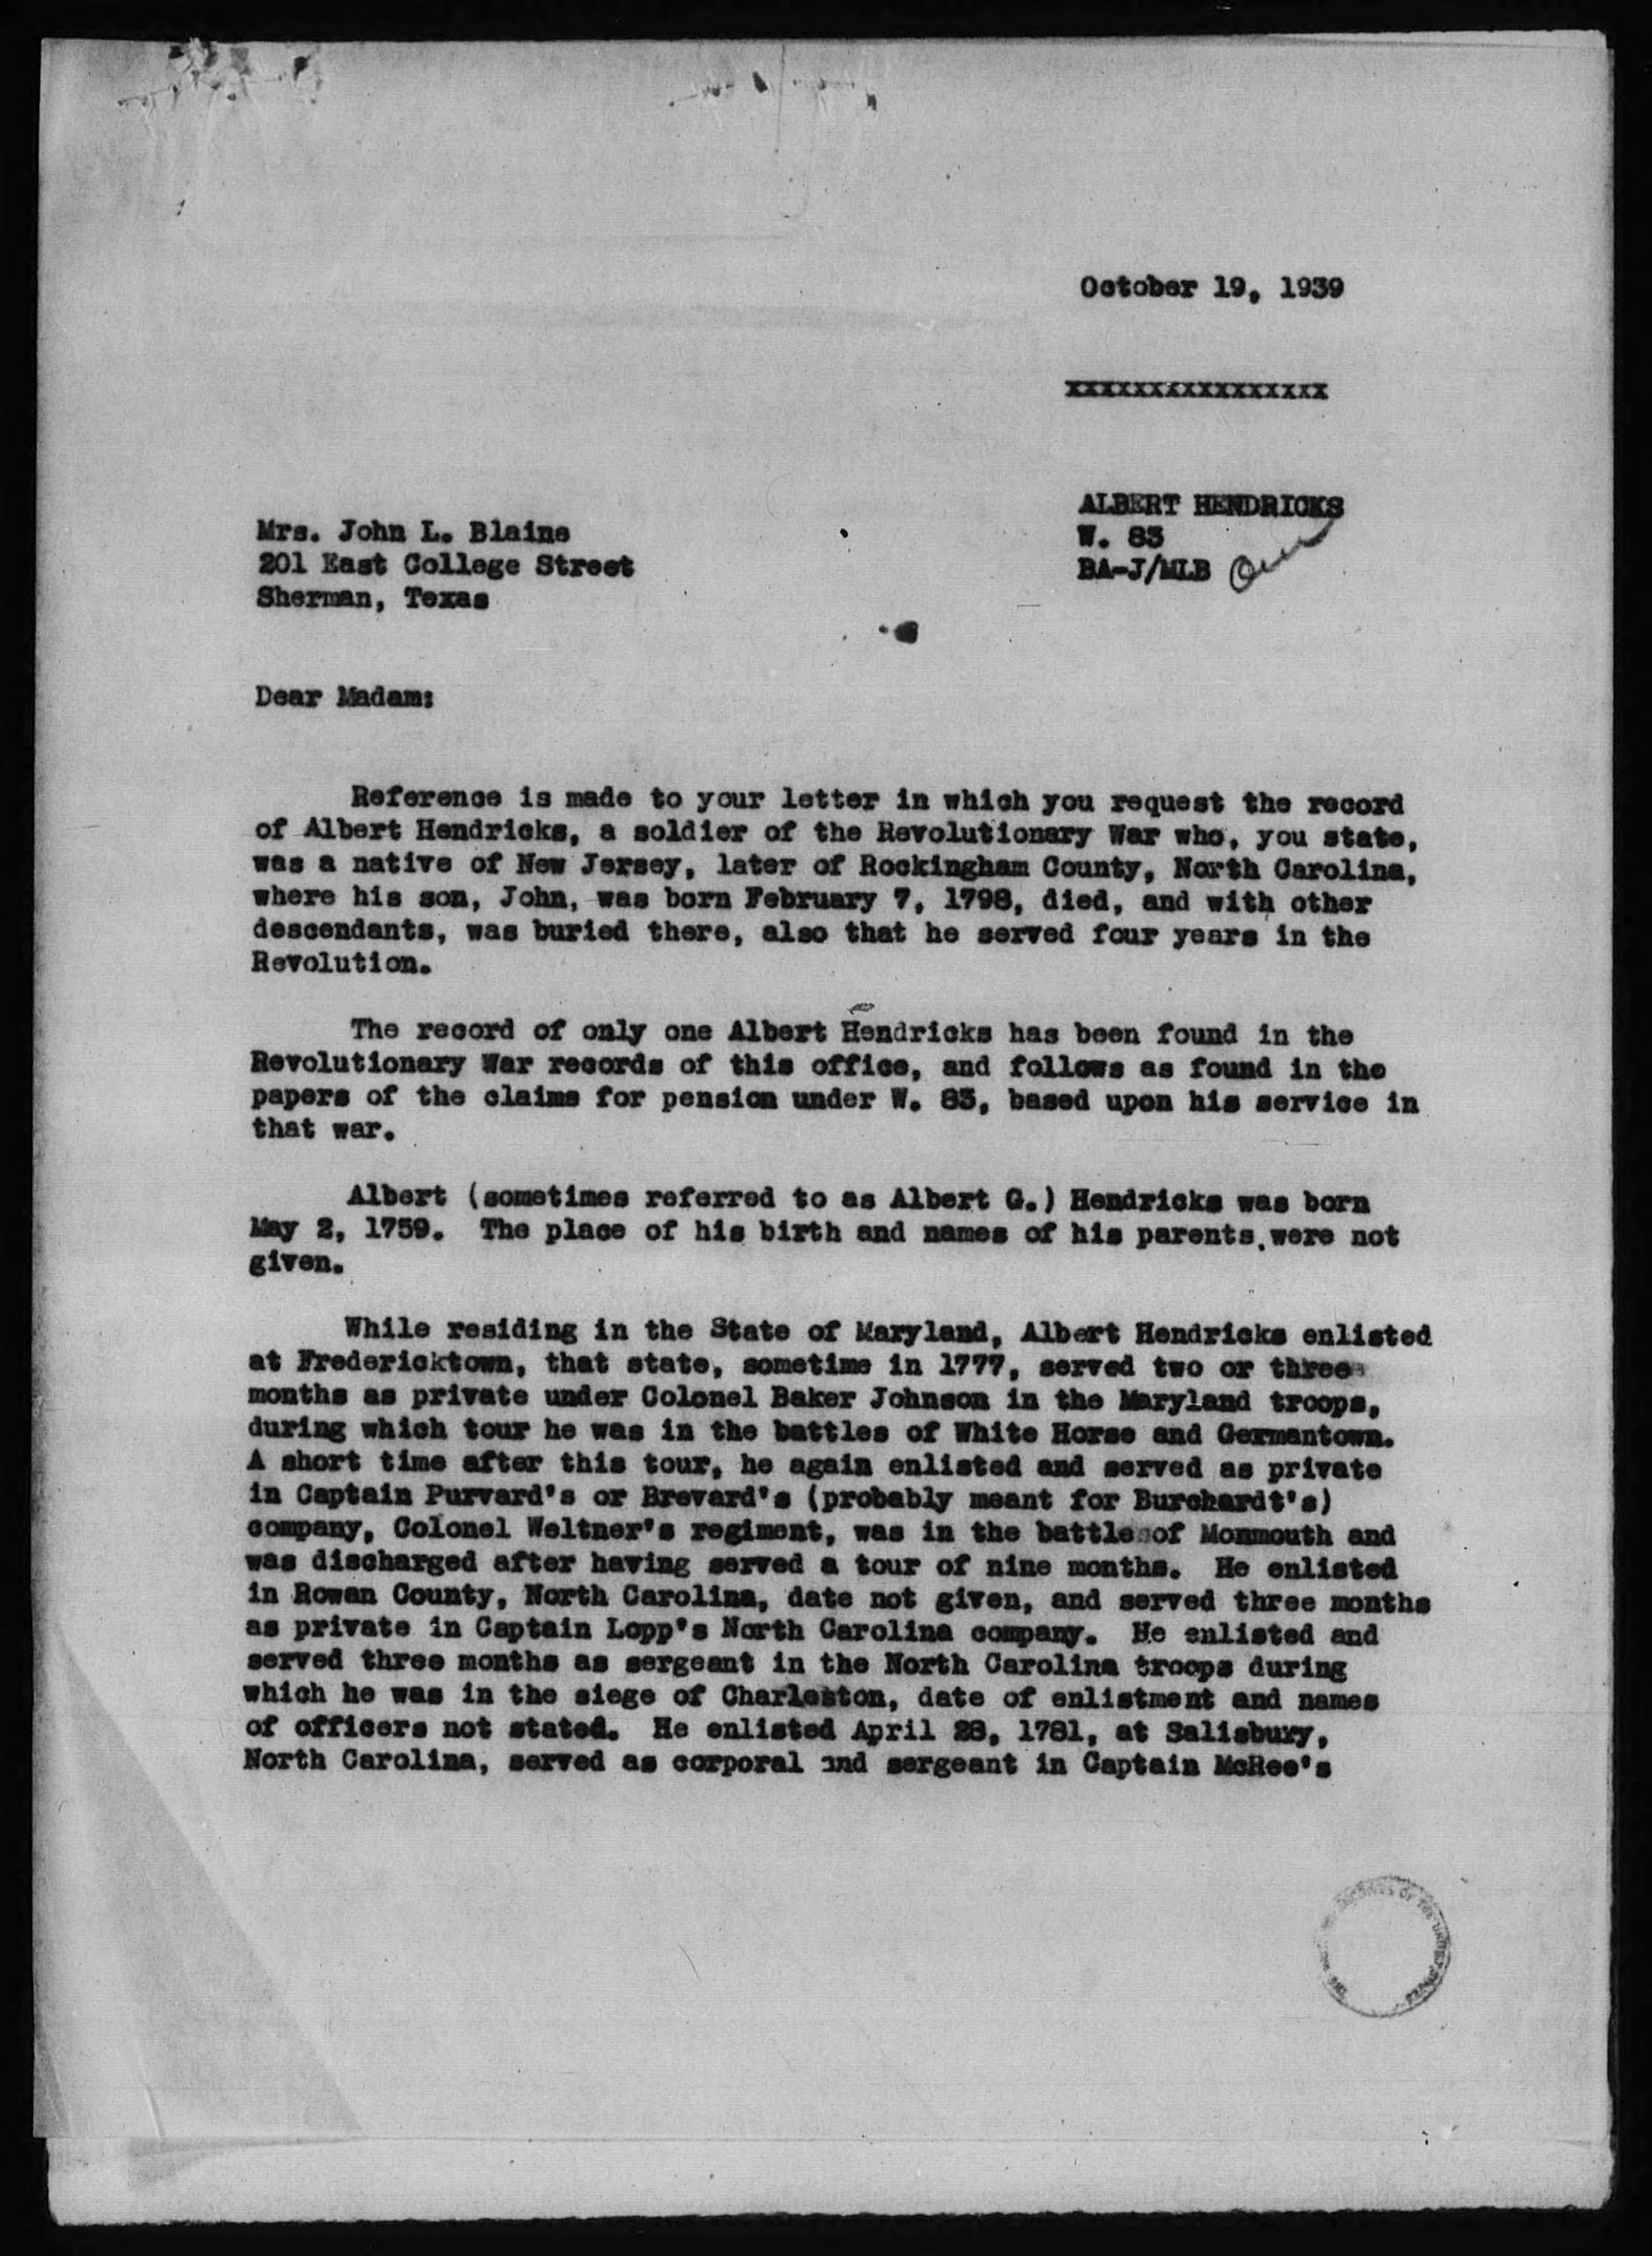October 19, 1939

xxxxxxxxxx

Mrs. John L. Blaine | ALBERT HENDRICKS
201 East College Street | W. 83
Sherman, Texas | BA-J/MLB [illegible initials]

Dear Madam:

Reference is made to your letter in which you request the record 
of Albert Hendricks, a soldier of the Revolutionary War who, you state, 
was a native of New Jersey, later of Rockingham County, North Carolina, 
where his son, John, was born February 7, 1798, died, and with other 
descendants, was buried there, also that he served four years in the 
Revolution.

The record of only one Albert Hendricks has been found in the 
Revolutionary War records of this office, and follows as found in the 
papers of the claims for pension under W. 83, based upon his service in 
that war.

Albert (sometimes referred to as Albert G.) Hendricks was born 
May 2, 1759.  The place of his birth and names of his parents were not 
given.

While residing in the State of Maryland, Albert Hendricks enlisted 
at Fredericktown, that state, sometime in 1777, served two or three 
months as private under Colonel Baker Johnson in the Maryland troops, 
during which tour he was in the battles of White Horse and Germantown. 
A short time after this tour, he again enlisted and served as private 
in Captain Purvard's or Brevard's (probably meant for Burchardt's) 
company, Colonel Weltner's regiment, was in the battle of Monmouth and 
was discharged after having served a tour of nine months.  He enlisted 
in Rowan County, North Carolina, date not given, and served three months 
as private in Captain Lopp's North Carolina company.  He enlisted and 
served three months as sergeant in the North Carolina troops during 
which he was in the siege of Charleston, date of enlistment and names 
of officers not stated.  He enlisted April 28, 1781, at Salisbury, 
North Carolina, served as corporal and sergeant in Captain McRee's

[Circular seal of National Archives}
THE NATIONAL ARCHIVES OF THE UNITED STATES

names: John, John L Blaine, Albert, Albert G, Hendricks, Albert Hendricks, Albert Hendricks, Albert Hendricks, Baker Johnson, Albert Hendricks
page: 17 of 76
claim: widow's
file: W. 83, Albert Hendricks, Continental Md. N.C.